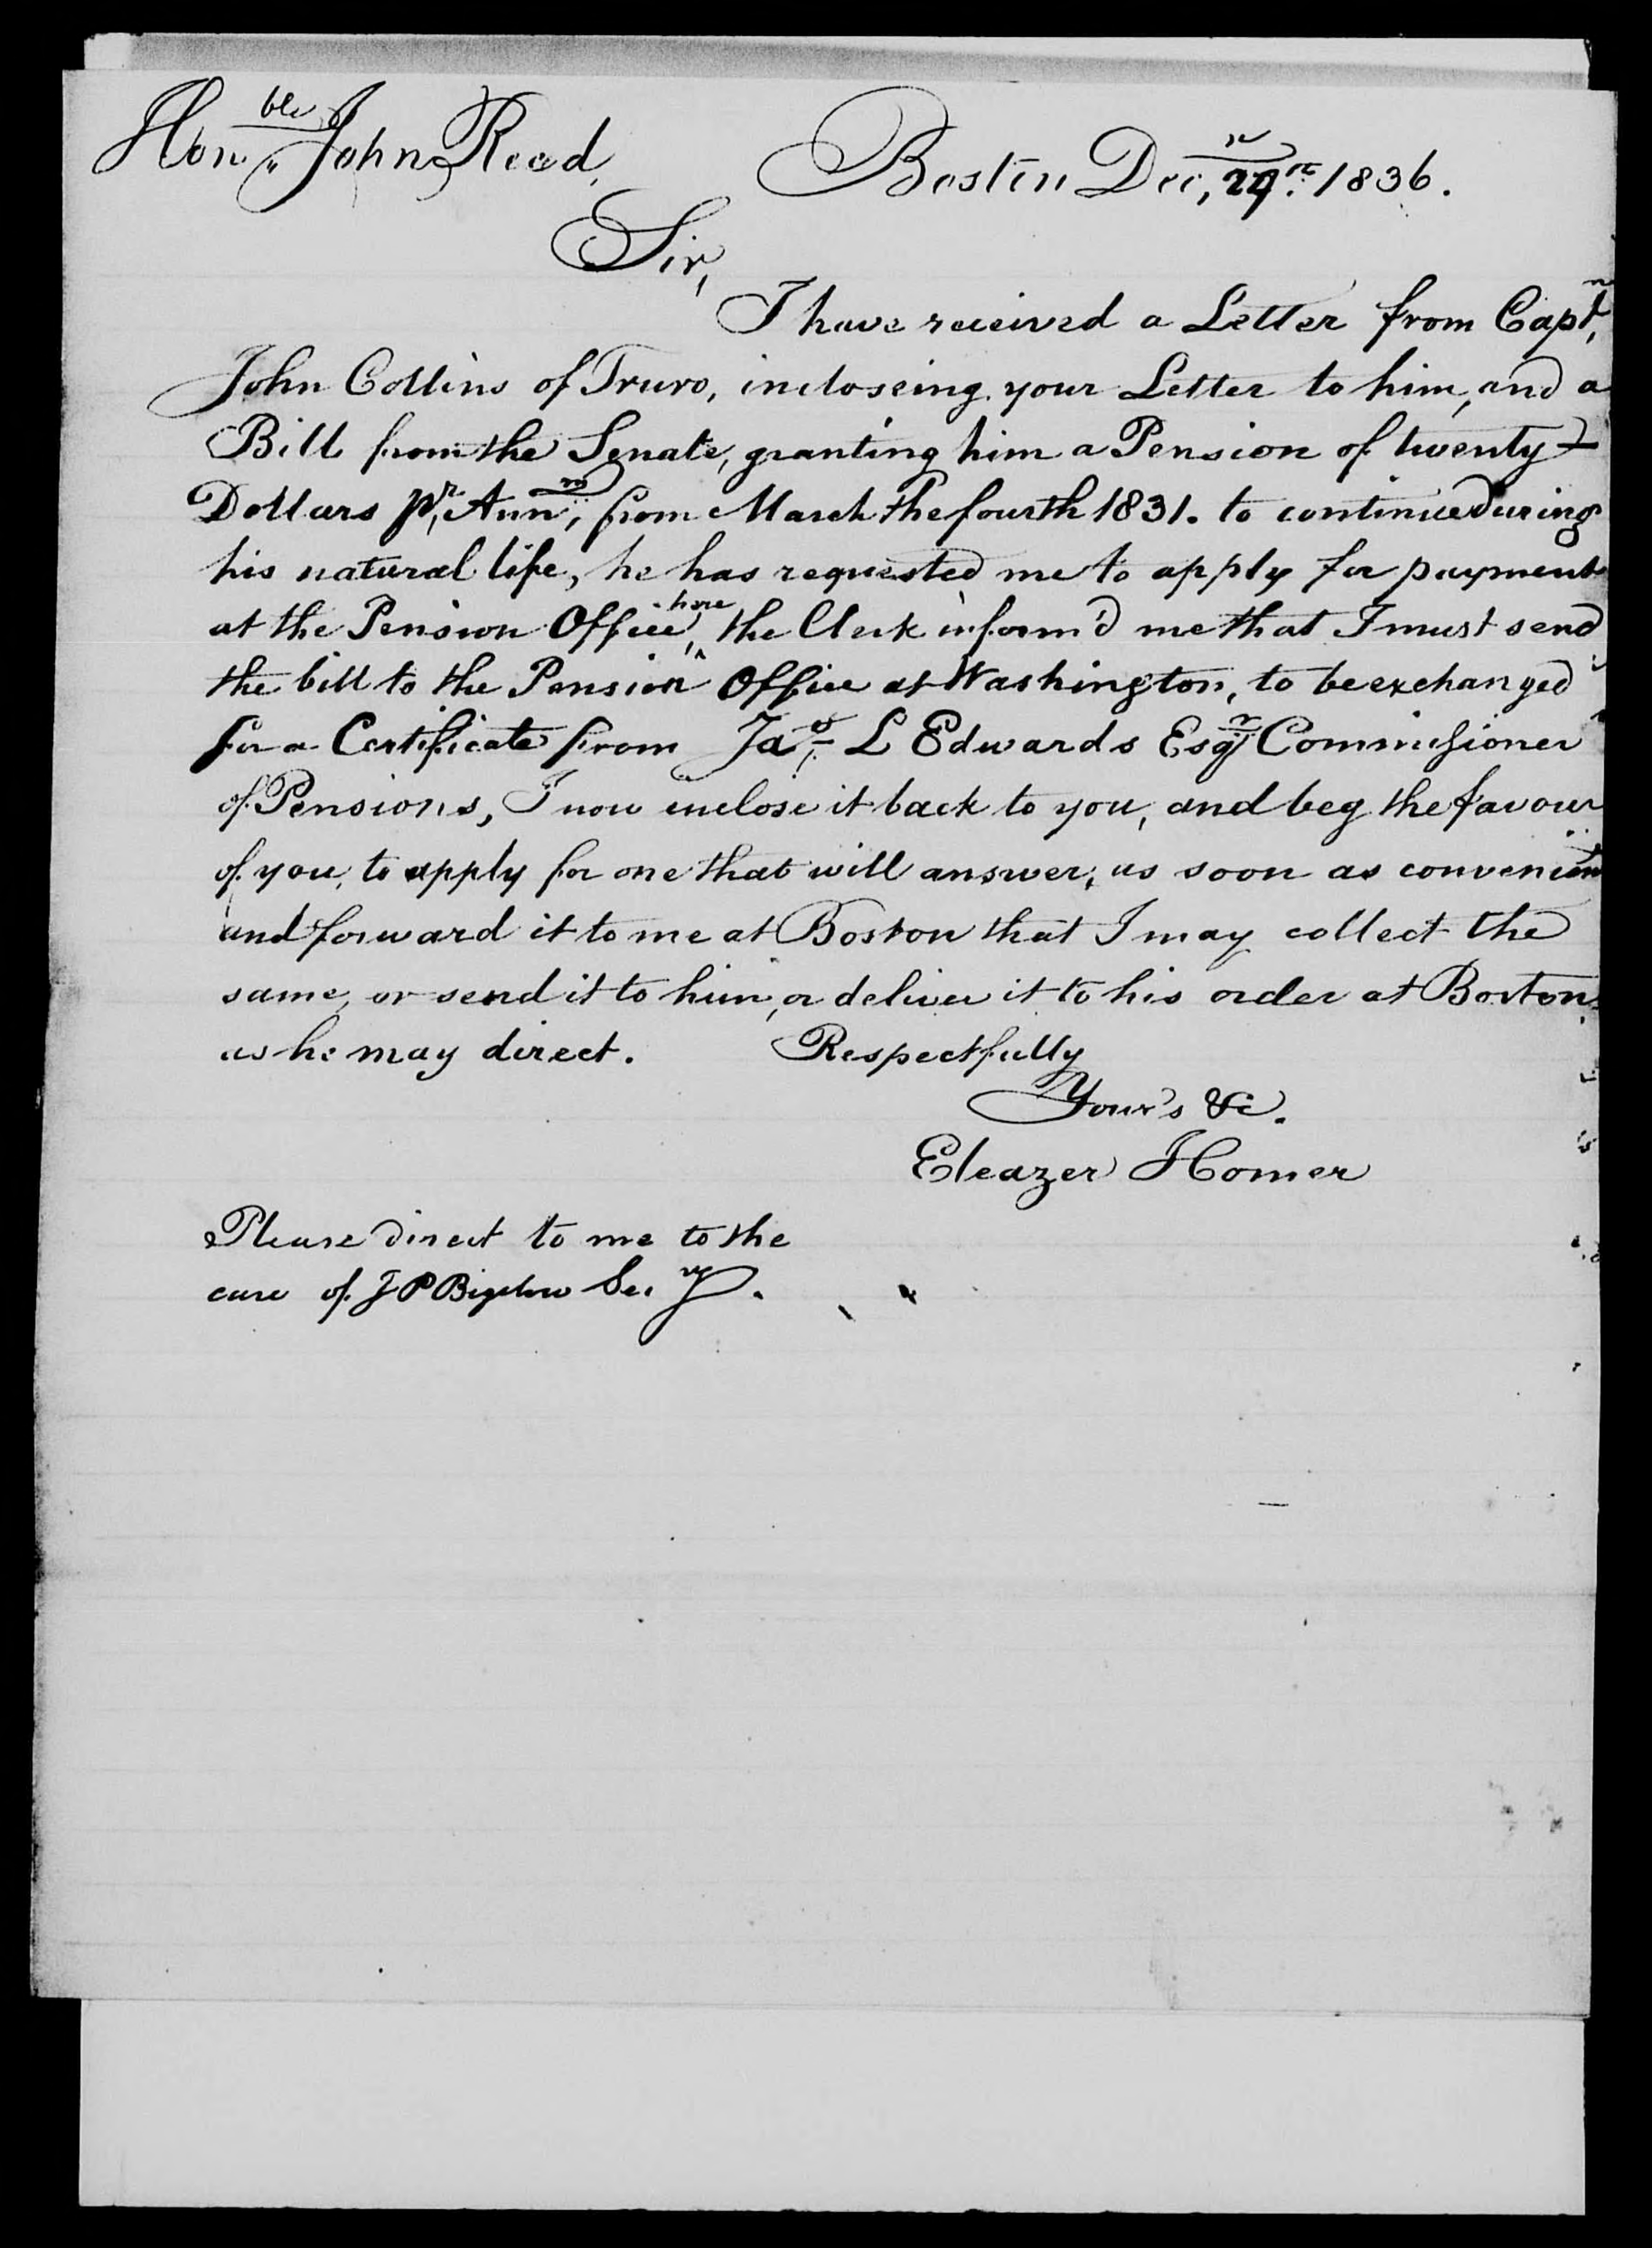Hobble John Reed 
Boston Dec 29th 1836 

Sir,
I have received a letter from Capt. John Collins of Truro, inclosing your Letter to him, and a Bill from the Senate, granting him a pension of twenty Dollars per Annum from March the fourth 1831. to continue during his natural life, he has requested me to apply for payment at the Pension Office the Clerk informed me that I must send the bill to the Pension Office at Washington, to be exchanged for a Certificate from Jas L Edwards Esq Commissioner of Pensions, I now enclose it back to you, and beg the favour of you to apply for one that will answer, as soon as convenient and forward it to me at Boston that I may collect the same , or send it to him, or deliver it to his order at Boston as he may direct 
Respectfully Yours &c. 
Eleazer Homer

Please direct to me to the care of J P Bigelow Sec P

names: Eleazer Homer, John Collins, Jas L Edwards, John Reed, J P Bigelow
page: 17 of 43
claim: survivor's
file: S. 29,732, John Collins, Mass. Navy